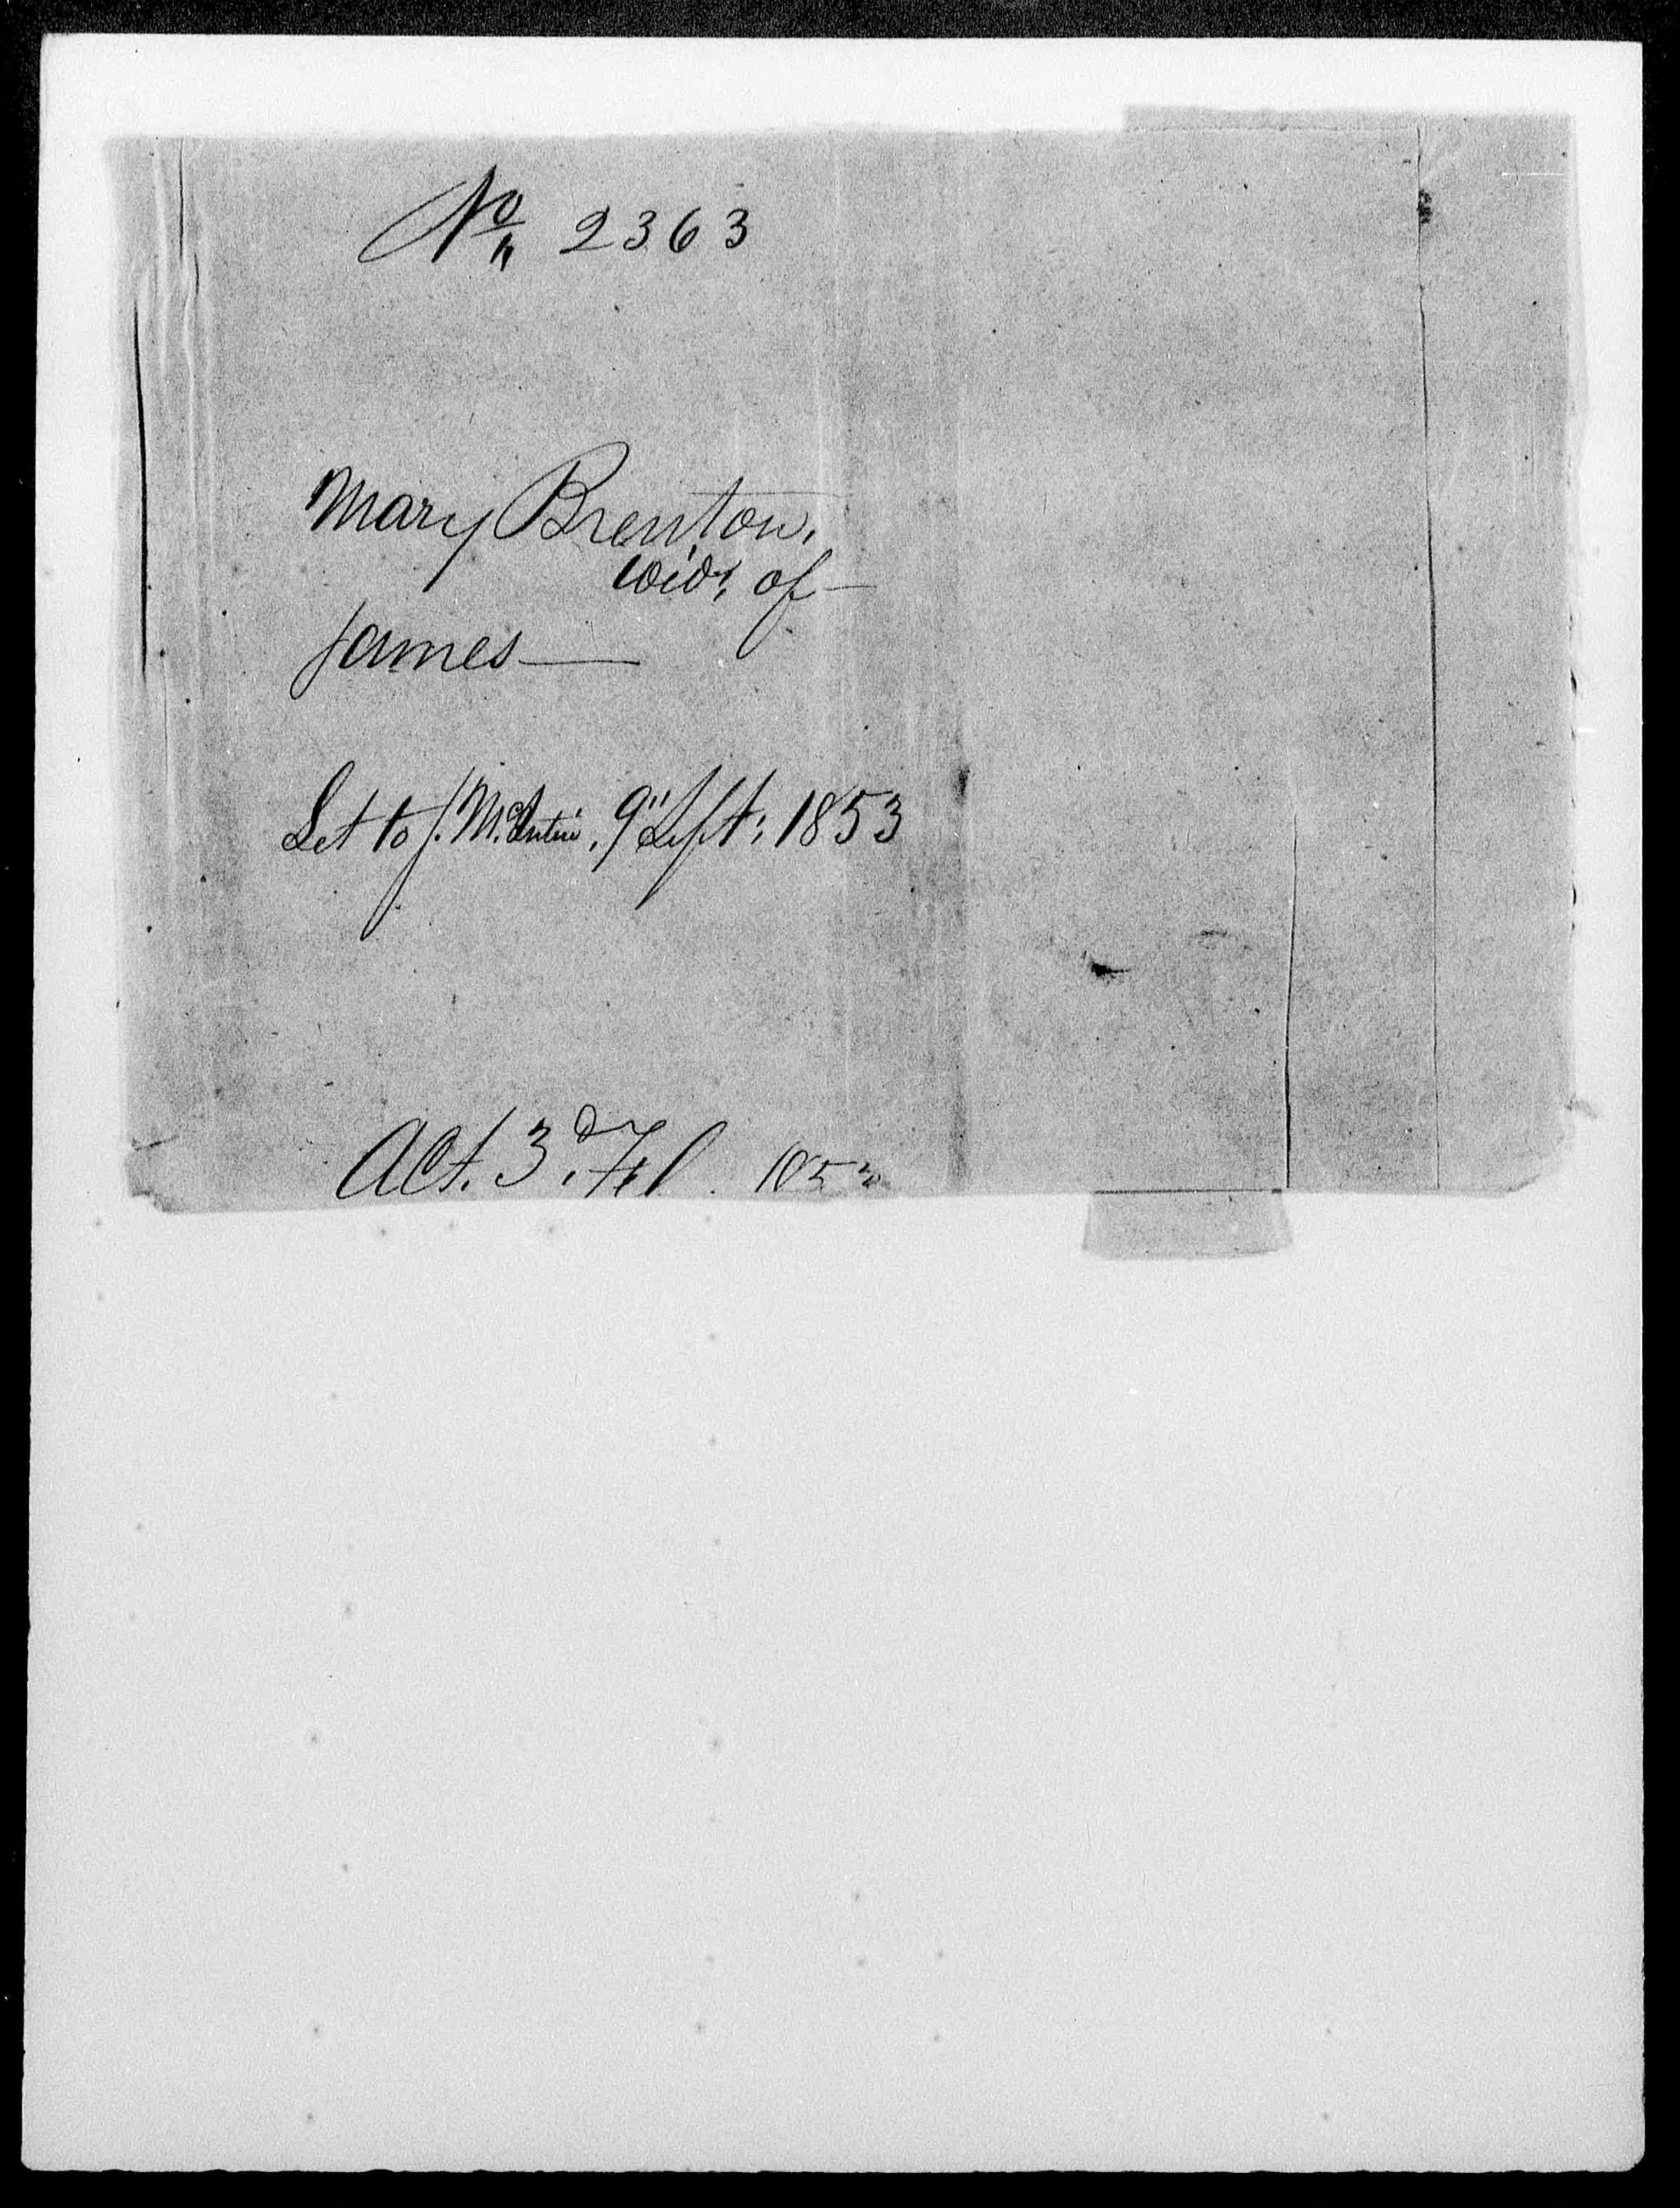No. 2363
Mary Brenton Wid. of James
Set to J McIntire 9 Sept. 1853

Act. 3. Feb. 1853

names: James Brenton, Mary Brenton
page: 38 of 49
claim: widow's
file: W. 2518, James Brenton, Va.